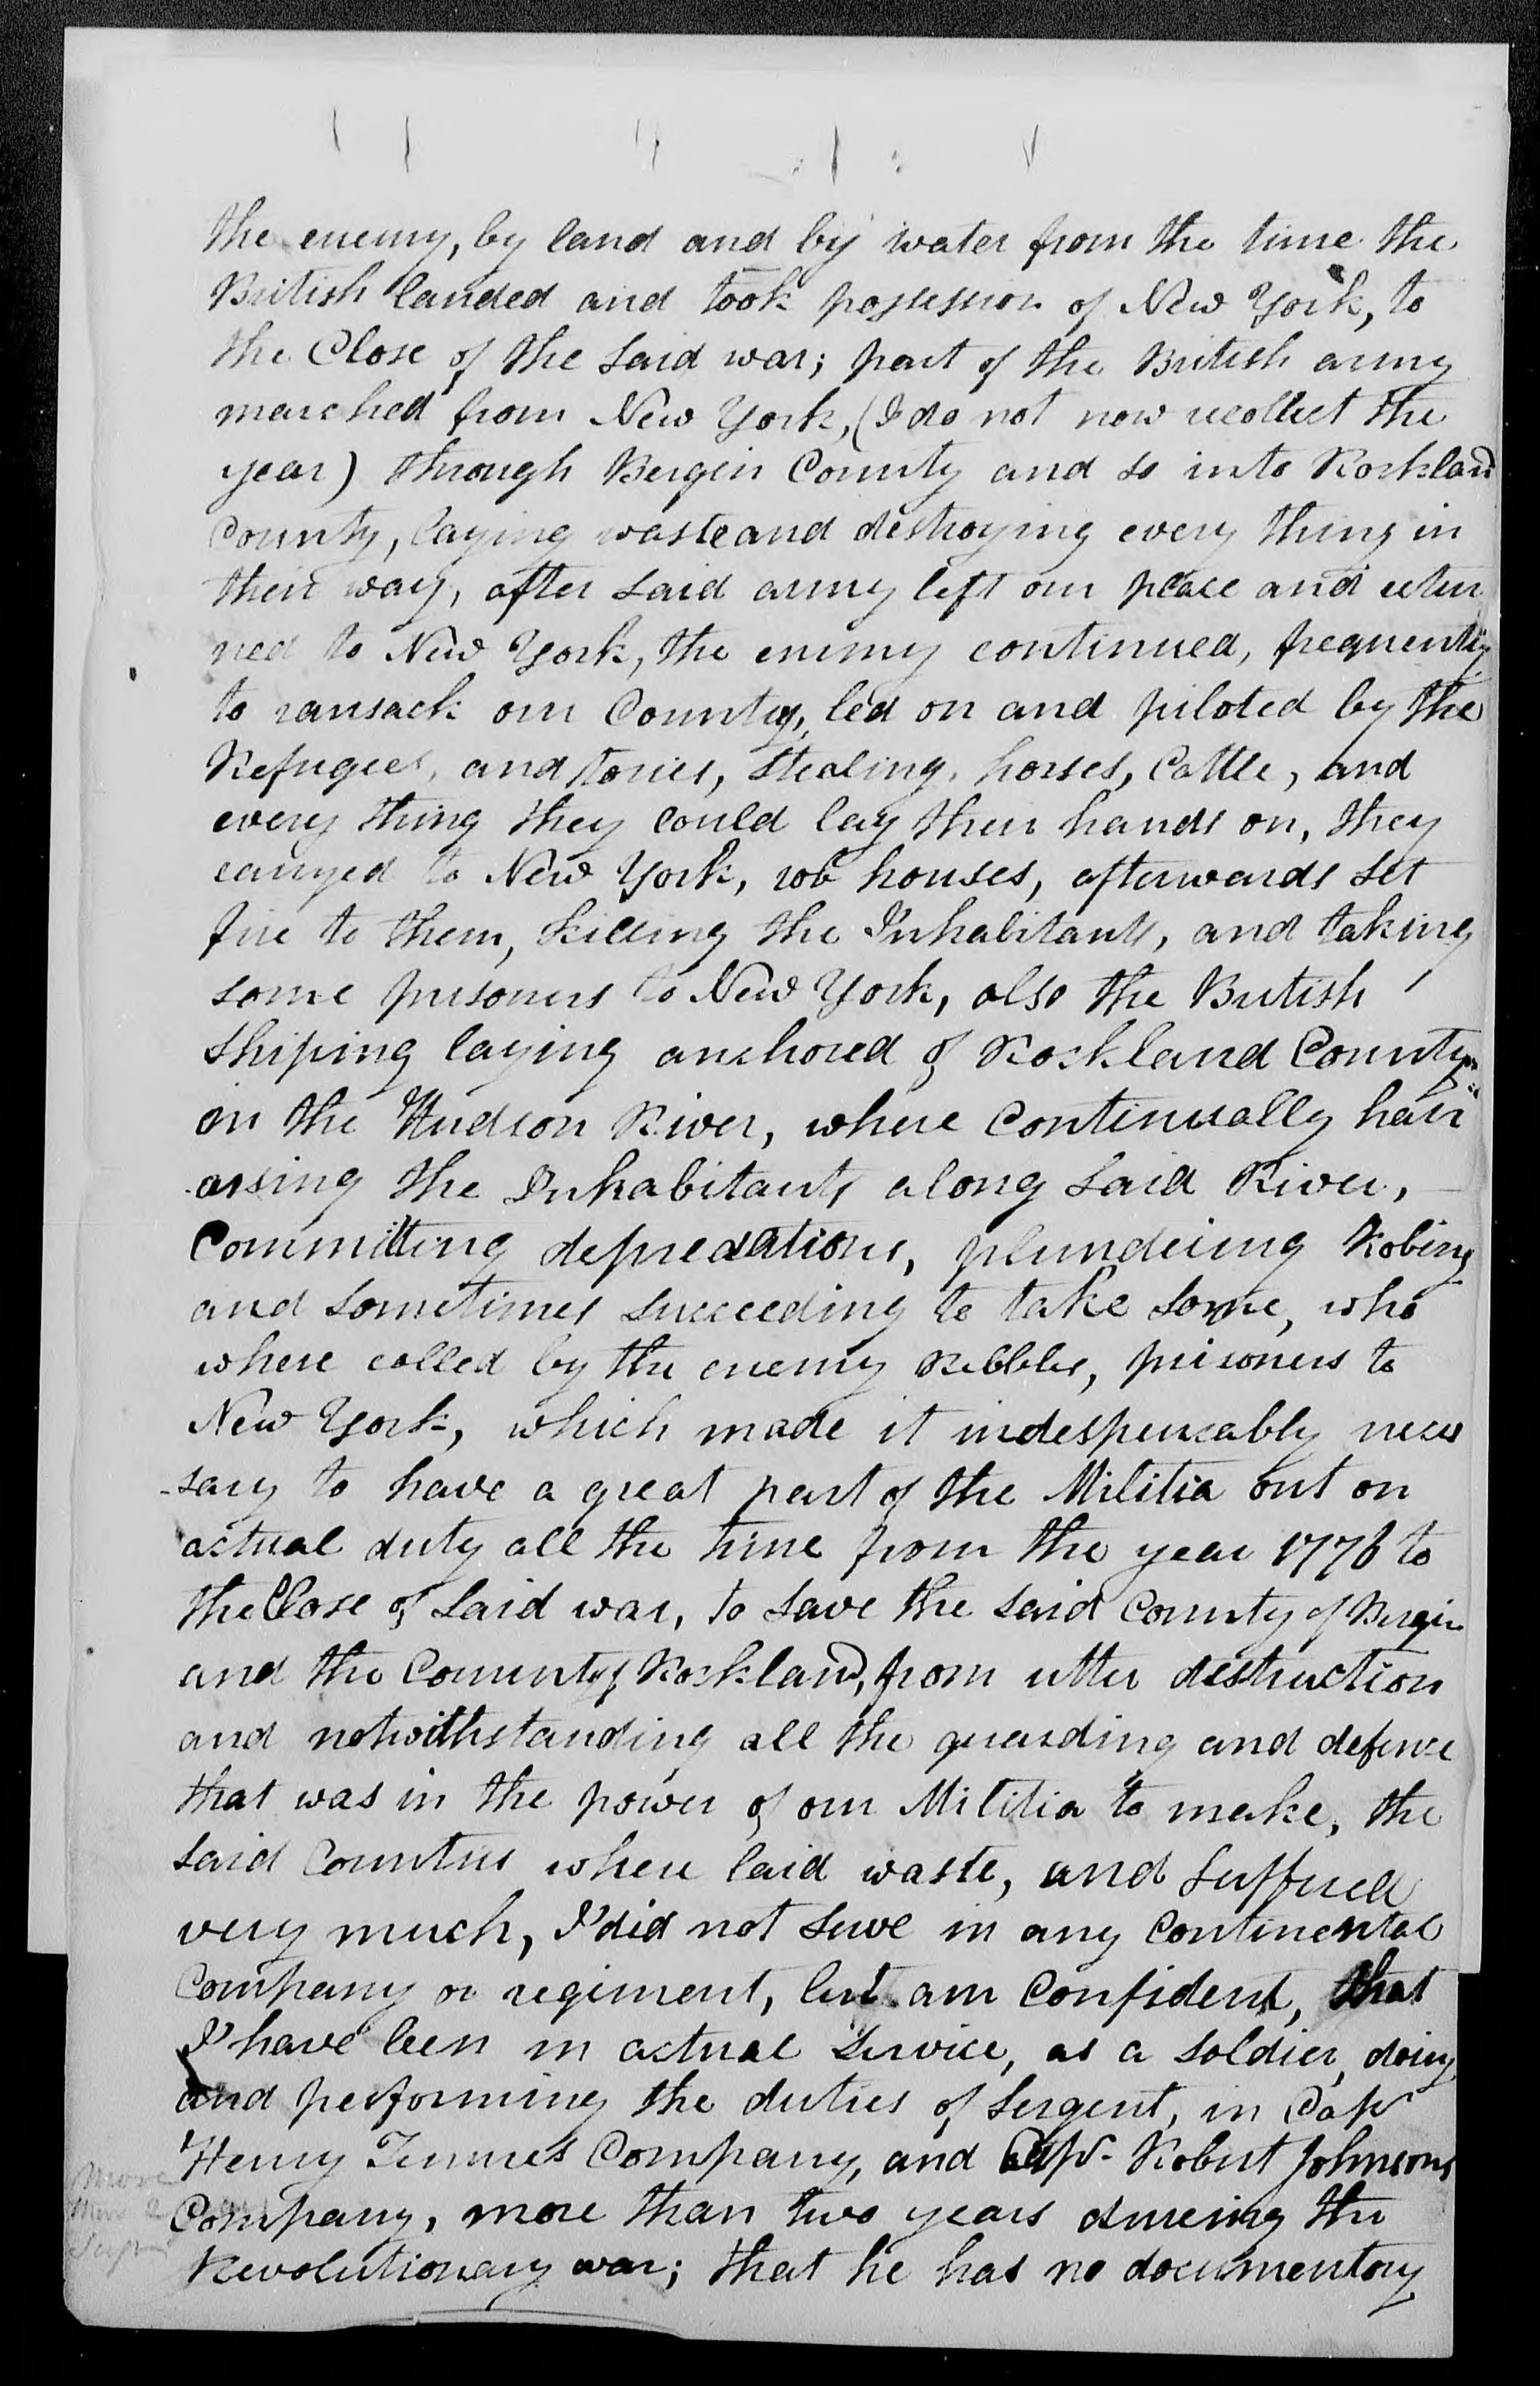the enemy, by land and by water from the time the British landed and took possession of New York, to the close of the Land war, part of the British army marched from New York, (I do not now recollect the year) through Bergin County and so into Rockland County, laying waste and destroying everything in their way, after said army left our peace and returned to New York, the enemy continued, frequently to ransack our Country, led on and piloted by the Refugees, and tories, stealing horses, cattle, and everything they could lay their hands on, they carried to New York, rob houses, afterwards set fire to them, killing the inhabitants, and taking some prisoners to New York, also the British shipping laying anchored of Rockland County on the Hudson River, where continually harrassing the inhabitants along said River, committing depredations, plundering Robery and sometimes succeeding to take some, who where called by the enemy Rebbles, prisoners to New York, which made it indespencable necessary to have a great part of the Militia out on actual duty all the time from the year 1776 to the close of said war, to save the said County of Bergin and the County of Rockland from utter destruction and notwithstanding all the guarding and defence that was in the power of our Militia to make, the said Counties where laid waste, and suffered very much, I did not serve in any Continental Company or regiment, but am confident, that I have been in actual service, as a soldier, doing and performing the duties of Sergeant, in Cap Henry Tunnes Company, and Cap Robert Johnsons Company, more than two years during the Revolutionary war; that he has no documentary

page: 5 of 33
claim: survivor's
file: S. 22,653, Harmanus Blauvelt, New York